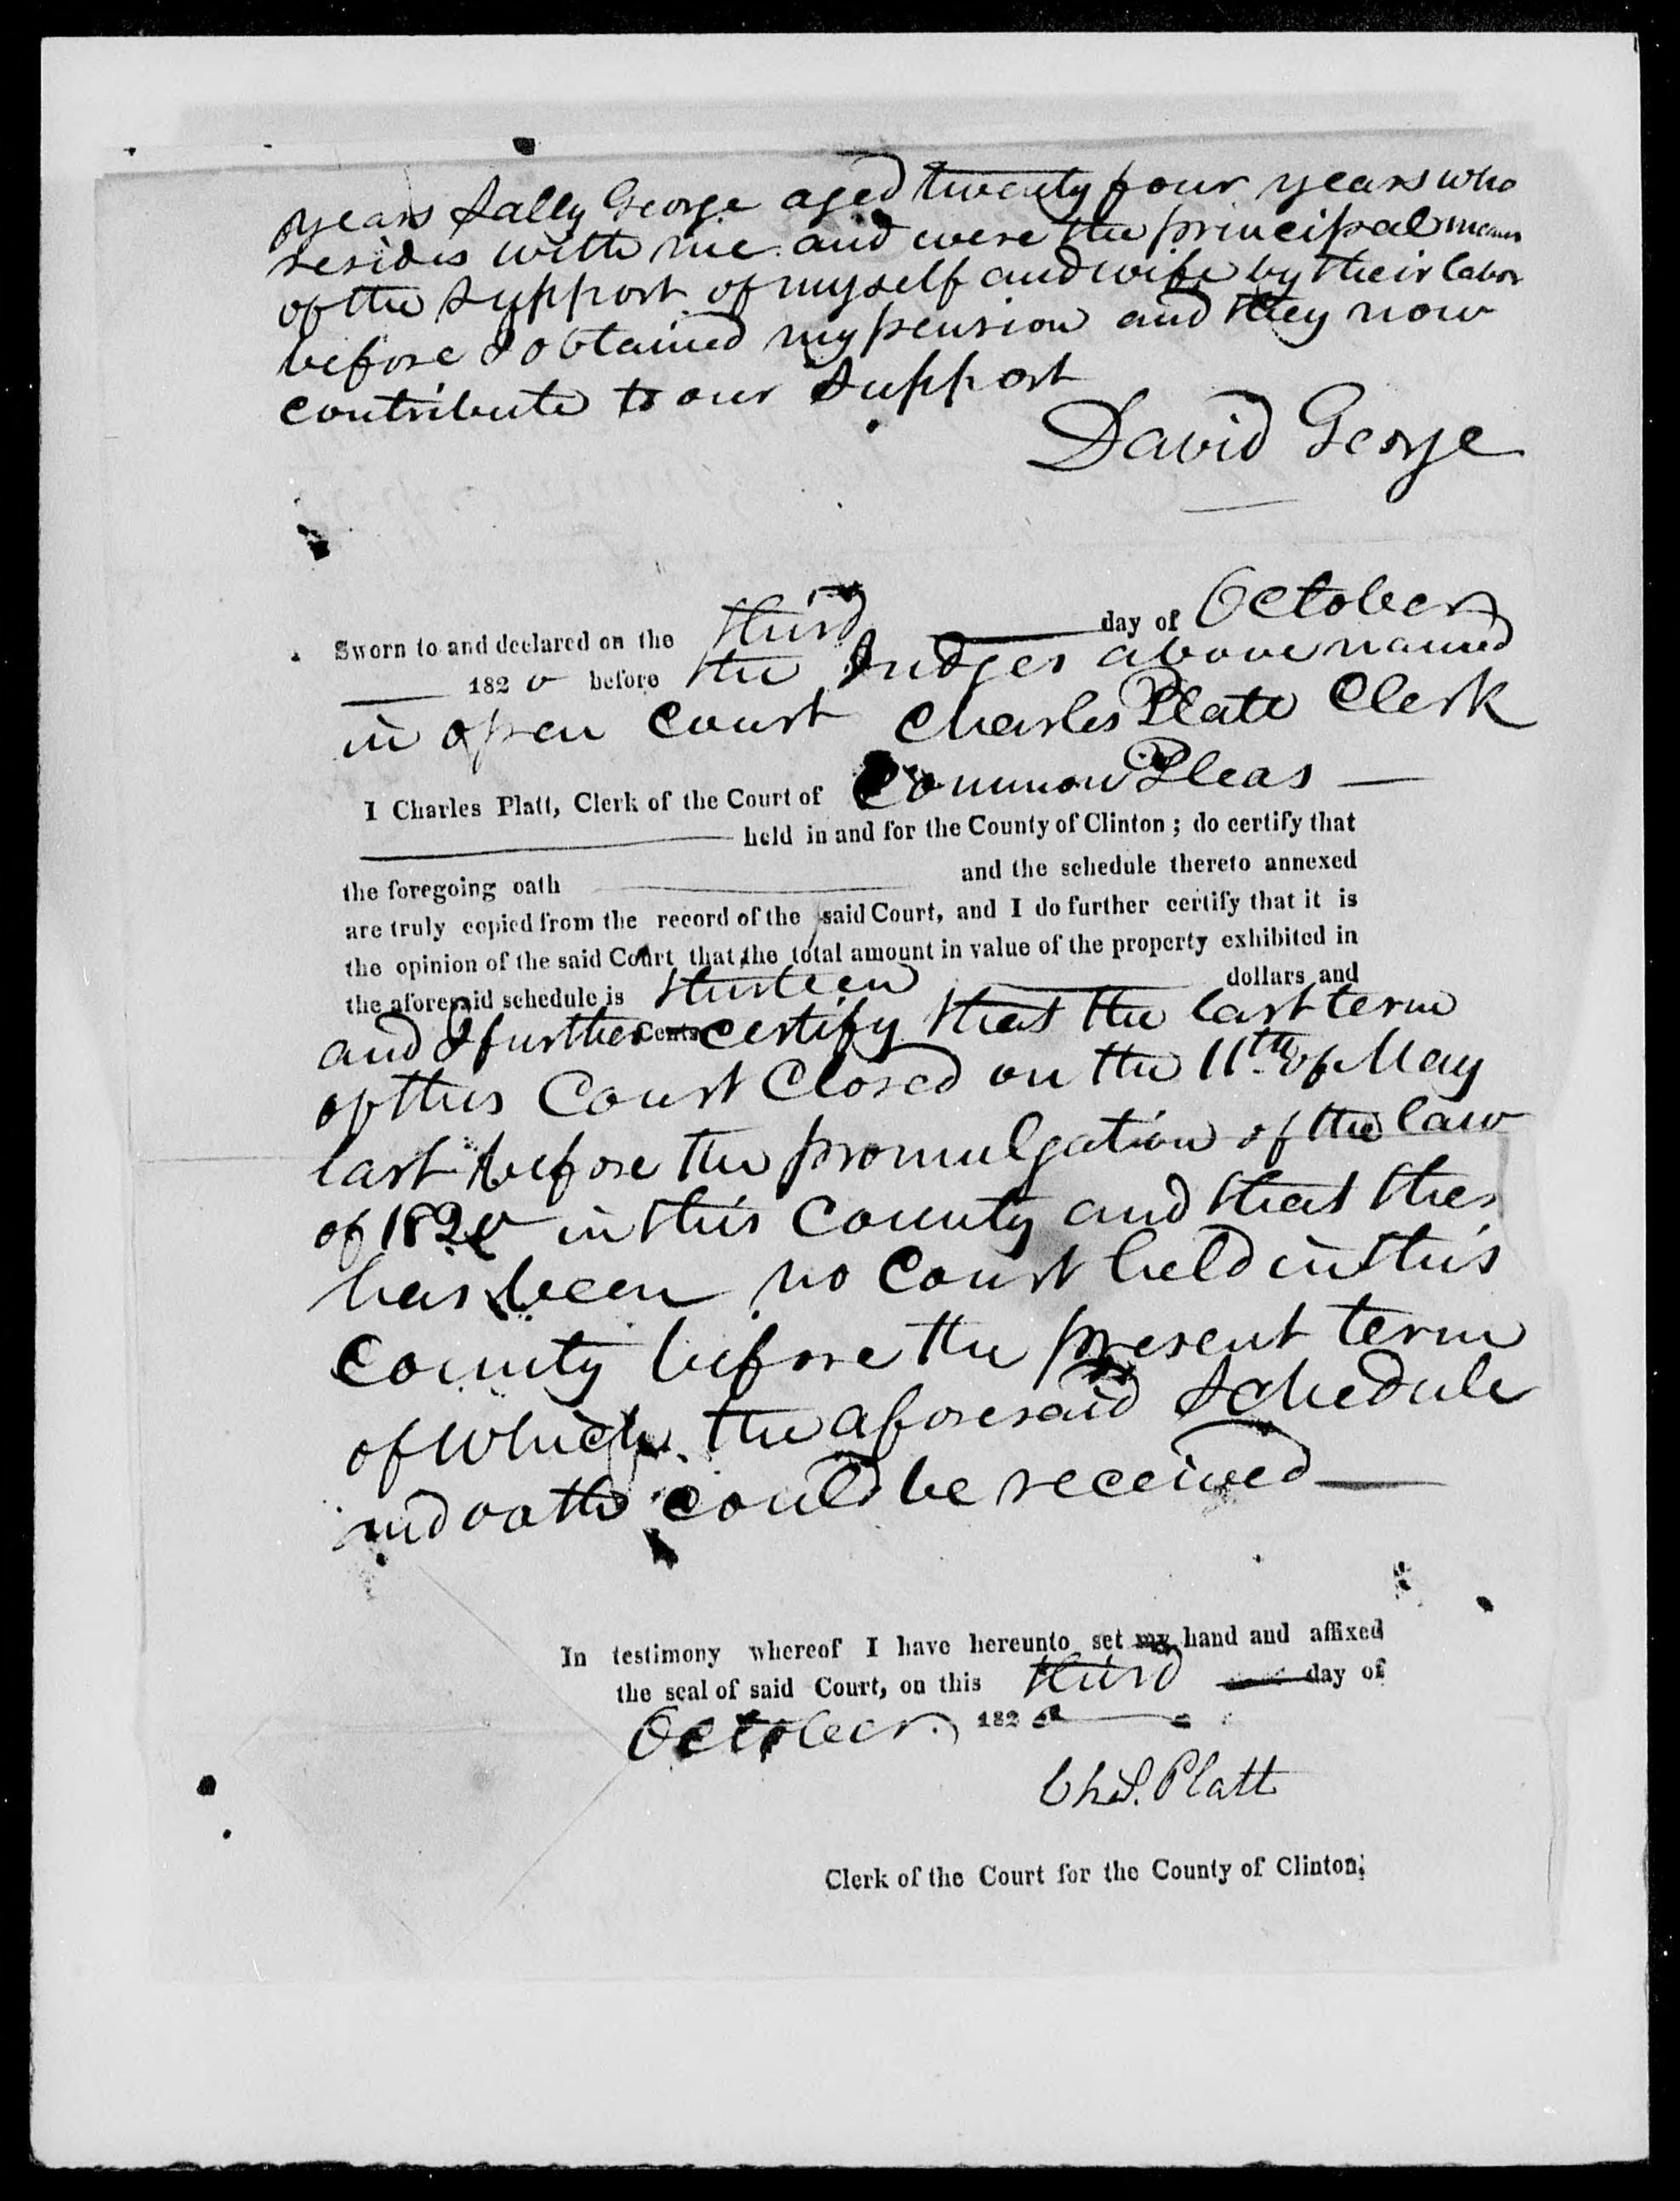years Sally George aged twenty four years who
resides with me and were the principal means 
of the support of myself and wife by their labor before I obtained my pension and they now contribute to our support
(signed)  David George

Sworn to and declared on the third
day of October 1820 before the bridges above named in open Court
(signed)  Charles Platt, Clerk 

I Charles Platt, Clerk of the Court of Common Pleas  held in and for the County of Clinton; do certify that the foregoing oath
and the schedule thereto annexed
are truly copied from the record of the said Court, and I do further certify that it is
the opinion of the said Court that the total amount in value of the property exhibited in
the aforesaid schedule is thirteen dollars
and and  I further certify that the last term
of this Court closed on the 11th of May
last before the promulgation of the law
of 1820 in this County and that there
has been no court held in this
County before the present term
of which the aforesaid Schedule
and oath could be received-

In testimony whereof I have hereunto set my hand and affixed the seal of said Court, on this third day of October 1820
(signed) Ch(arle)s. Platt
Clerk of the Court for the County of Clinton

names: David George, Sally George, Chas Platt, Charles Platt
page: 8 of 18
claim: survivor's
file: S. 39568, David George, N.H.